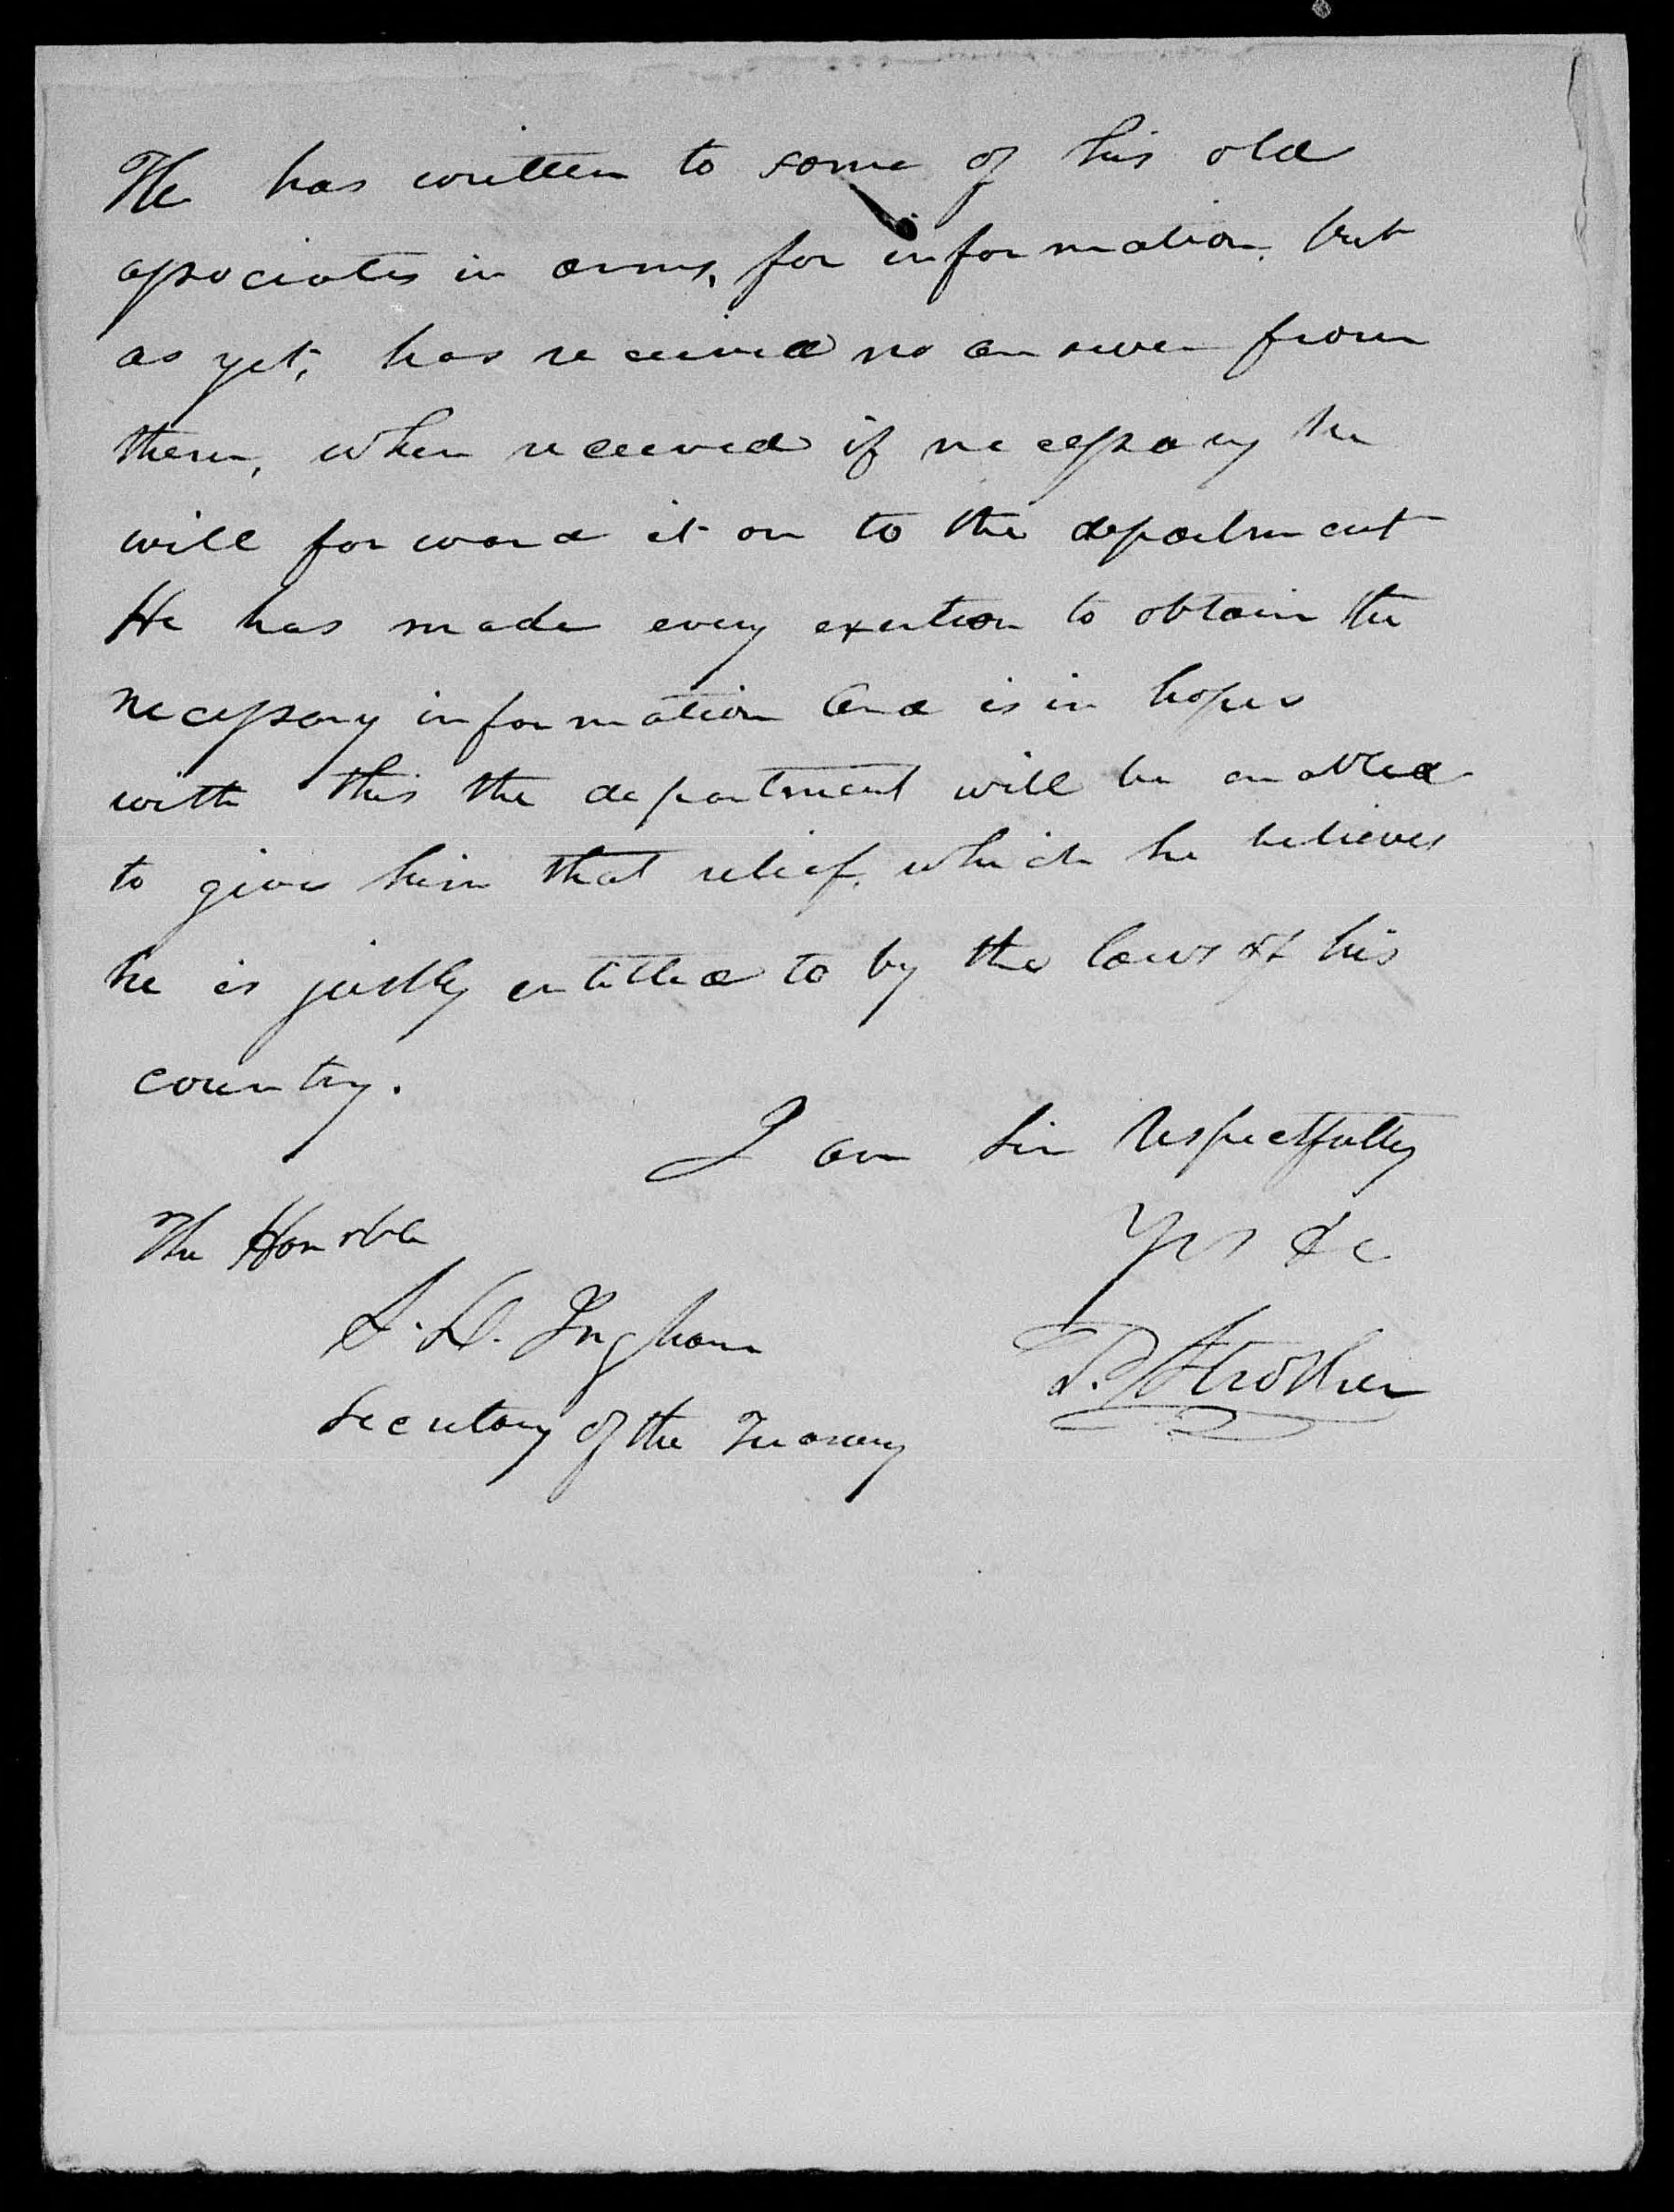He has written to some of his old
associates in arms for information but as yet has received no answer from them, when received if necessary he will forward it on to the department
He has made every exertion to obtain the necessary information and is in hopes with this the department will be enabled to give him that relief which he believes he is justly entitled to by the laws of his Country
I am Sir respectfully yrs &c
P Strother

The Honble
S.D. Ingham
Secretary of the Treasury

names: S D Ingham, P Strother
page: 34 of 44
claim: survivor's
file: S. 31,061, Thomas Gill, S.C.